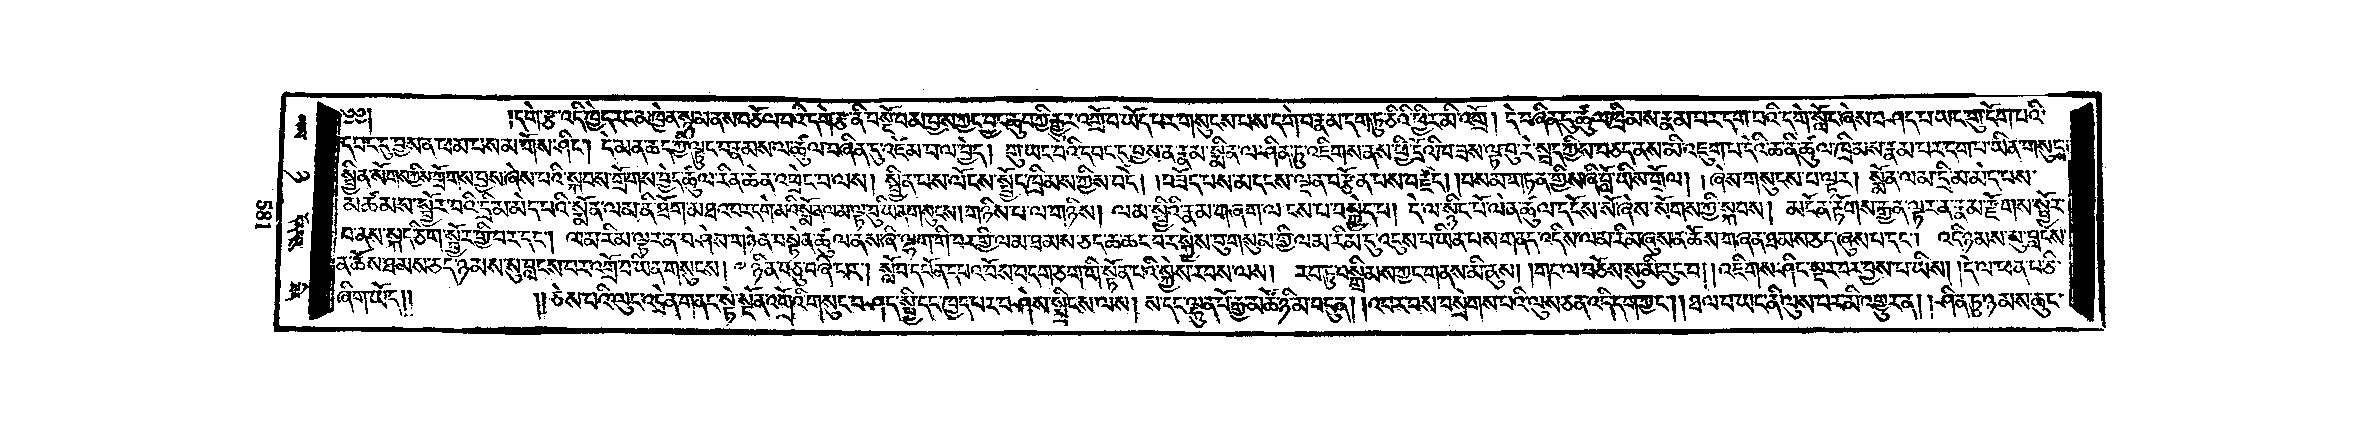༄༅། །དགེ་རྩ་འདི་ཁྱེད་རང་མཁྱེན་སྙམ་ནས་བཅོལ་བའི་དགེ་རྩ་ནི་བསྔོ་བ་མ་བྱས་ཀྱང་བྱང་ཆུབ་ཀྱི་རྒྱུར་འགྲོ་བ་ཡོད་པར་གསུངས་པས་དགེ་བ་རྣམ་དག་ཏུ་ཅིའི་ཕྱིར་མི་འགྲོ་།དེ་བཞིན་དུ་ཚུལ་ཁྲིམས་རྣམ་པར་དག་པའི་དགེ་སློང་ཞེས་བཤད་པ་ཡང་གུ་དོག་པའི་
དབང་དུ་བྱས་ན་ཕམ་པས་མ་གོས་ཤིང་། དེ་མན་ཆད་ཀྱི་ལྟུང་བ་རྣམས་ལ་ཚུལ་བཞིན་དུ་འཛེམ་པ་ལ་བྱེད། གུ་ཡང་བའི་དབང་དུ་བྱས་ན་རྣམ་སྨིན་ལ་ཤིན་ཏུ་འཇིགས་ནས་ཕྱི་དྲོའི་ཁ་ཟས་ལྟ་བུ་རེ་སྦད་ཀྱིས་བཅད་ནས་མི་འཇུག་པ་དེའི་ཆ་ནི་ཚུལ་ཁྲིམས་རྣམ་པར་དག་པ་ཡིན་གསུངས་
སྦྱིན་སོགས་ཀྱིས་གྲོགས་བྱས་ཞེས་པའི་སྐབས་གྲོགས་བྱེད་ཚུལ་རིན་ཆེན་འཕྲེང་བ་ལས། སྦྱིན་པས་ལོངས་སྤྱོད་ཁྲིམས་ཀྱིས་བདེ། །བཟོད་པས་མདངས་ལྡན་བརྩོན་པས་བརྗིད། །བསམ་གཏན་གྱིས་ཞི་བློ་ཡིས་གྲོལ། །ཞེས་གསུངས་པ་ལྟར། སྨོན་ལམ་དྲི་མ་མེད་པས་
མཚམས་སྦྱོར་བའི་དྲི་མ་མེད་པའི་སྨོན་ལམ་ནི་ཐོག་མཐའ་བར་དགེ་མའི་སྨོན་ལམ་ལྟ་བུ་ཡིན་གསུངས། གཉིས་པ་ལ་གཉིས། ལམ་སྤྱིའི་རྣམ་གཞག་ལ་ངས་པ་བསྐྱེད་པ། དེ་ལ་སྙིང་པོ་ལེན་ཚུལ་དངོས་སོ་ཞེས་སོགས་ཀྱི་སྐབས། མངོན་རྟོགས་རྒྱན་ལྟར་ན་རྣམ་རྫོགས་སྦྱོར་
བ་ནས་སྐད་ཅིག་སྦྱོར་གྱི་བར་དང་། ལམ་རིམ་ལྟར་ན་བཤེས་གཉེན་བསྟེན་ཚུལ་ནས་ཞི་ལྷག་གི་བར་གྱི་ལམ་ཐམས་ཅད་ཆ་ཆང་བར་སྐྱེས་བུ་གསུམ་གྱི་ལམ་རིམ་དུ་འདུས་པ་ཡིན་པས་གནད་འདིས་ལམ་རིམ་ཞུས་ན་ཆོས་གཞན་ཐམས་ཅད་ཞུས་པ་དང་། འདི་ཉམས་སུ་བླངས་
ན་ཆོས་ཐམས་ཅད་ཉམས་སུ་བླངས་པར་འགྲོ་བ་ཡིན་གསུངས། ༧ཉིན་བཅུ་བཞི་པར། སློབ་དཔོན་དཔའ་བོས་བདག་ཅག་གི་སྟོན་པའི་སྐྱེས་རབས་ལས། རབ་ཏུ་བསྒྲིམས་ཀྱང་གནས་མི་ནུས། །གང་ལ་བཅོས་སུ་མི་རུང་བ། །འཇིགས་ཤིང་སྡར་བར་བྱས་པ་ཡིས། །དེ་ལ་ཕན་པ་ཅི་
ཞིག་ཡོད།། །།ཅེས་པའི་ལུང་འདྲེན་གནང་སྟེ་སྔོན་འགྲོའི་གསུང་བཤད་སྤྱི་དང་ཁྱད་པར་བཤེས་སྤྲིངས་ལས། ས་དང་ལྷུན་པོ་རྒྱ་མཚོ་ཉི་མ་བདུན། །འབར་བས་བསྲེགས་པའི་ལུས་ཅན་འདི་དག་ཀྱང་། །ཐལ་བ་ཡང་ནི་ལུས་པར་མི་འགྱུར་ན། །ཤིན་ཏུ་ཉམས་ཆུང་